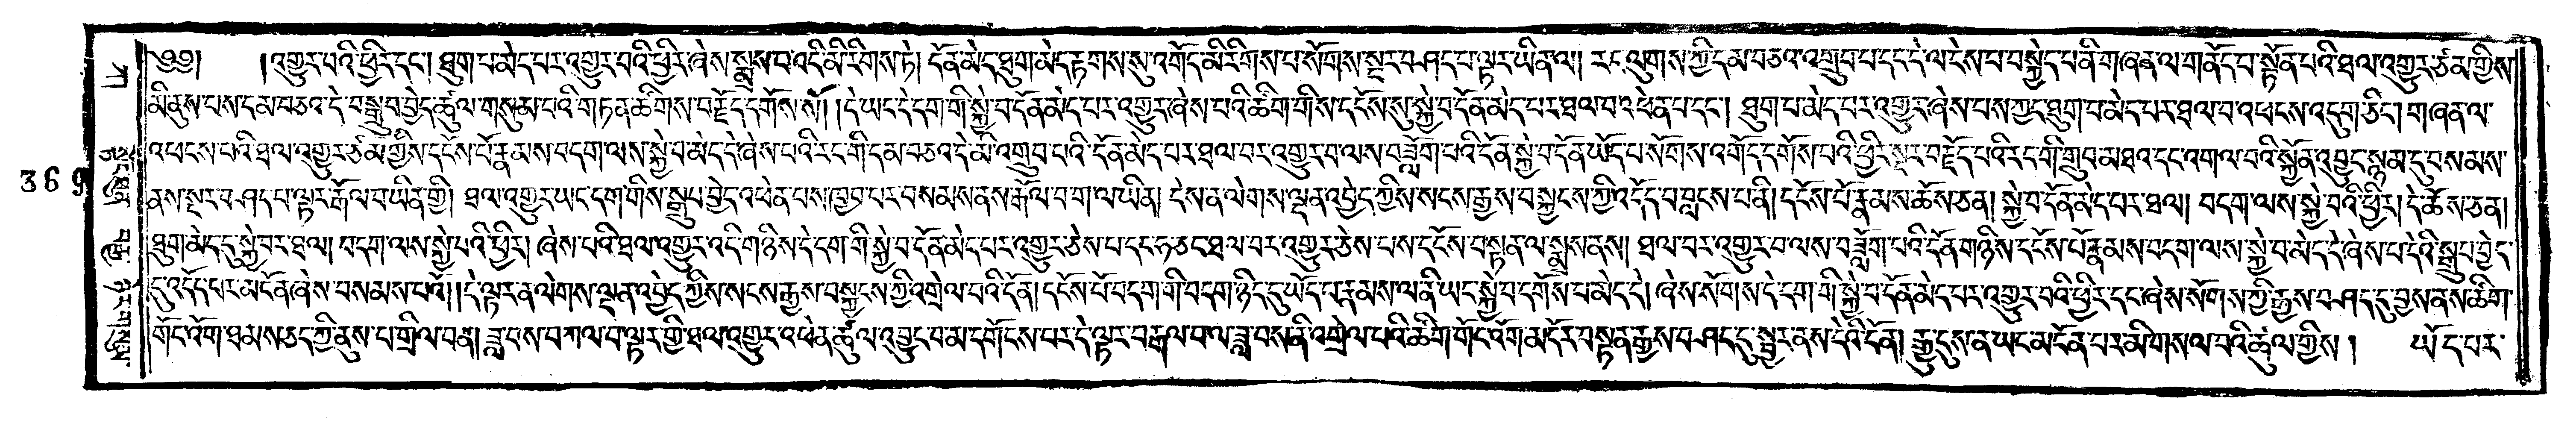༄༅། །འགྱུར་པའི་ཕྱིར་དང་། ཐུག་པ་མེད་པར་འགྱུར་བའི་ཕྱིར་ཞེས་སྨྲས་བ་འདི་མི་རིགས་ཏེ། དོན་མེད་ཐུག་མེད་རྟགས་སུ་འགོད་མི་རིགས་པ་སོགས་སྔར་བཤད་པ་ལྟར་ཡིན་ལ། རང་ལུགས་ཀྱི་དམ་བཅའ་འགྲུབ་པ་དང་དེ་ལ་ངེས་པ་བསྐྱེད་པ་ནི་གཞན་ལ་གནོད་པ་སྟོན་པའི་ཐལ་འགྱུར་ཙམ་གྱིས་
མི་ནུས་པས་དམ་བཅའ་དེ་བསྒྲུབ་བྱེད་ཚུལ་གསུམ་པའི་གཏན་ཚིགས་བརྗོད་དགོས་སོ། །དེ་ཡང་དེ་དག་གི་སྐྱེ་བ་དོན་མེད་པར་འགྱུར་ཞེས་པའི་ཚིག་གིས་དངོས་སུ་སྐྱེས་བ་དོན་མེད་པར་ཐལ་བ་འཕེན་པ་དང་། ཐུག་པ་མེད་པར་འགྱུར་ཞེས་པས་ཀྱང་ཐུག་པ་མེད་པར་ཐལ་བ་འཕངས་འདུག་ཅིང་། གཞན་ལ་
འཕངས་བའི་ཐལ་འགྱུར་ཙམ་གྱིས་དངོས་པོ་རྣམས་བདག་ལས་སྐྱེ་བ་མེད་དེ་ཞེས་པའི་རང་གི་དམ་བཅའ་དེ་མི་འགྲུབ་པའི་དོན་མེད་པར་ཐལ་བར་འགྱུར་བ་ལས་བཟློག་པའི་དོན་སྐྱེ་བ་དོན་ཡོད་པ་སོགས་འགོད་དགོས་པའི་ཕྱིར་སྔར་བརྗོད་པའི་རང་གི་གྲུབ་མཐའ་དང་འགལ་བའི་སྐྱོན་འབྱུང་སྙམ་དུ་བསམས་
ནས་སྔར་བཤད་པ་ལྟར་རྒོལ་བ་ཡིན་གྱི། ཐལ་འགྱུར་ཡང་དག་གིས་སྒྲུབ་བྱེད་འཕེན་པས་ཁྱབ་པར་བསམས་ནས་རྒོལ་བ་ག་ལ་ཡིན། དེས་ན་ལེགས་ལྡན་འབྱེད་ཀྱིས་སངས་རྒྱས་བསྐྱངས་ཀྱི་འདོད་བ་བླངས་པ་ནི། དངོས་པོ་རྣམས་ཆོས་ཅན། སྐྱེ་བ་དོན་མེད་པར་ཐལ། བདག་ལས་སྐྱེ་བའི་ཕྱིར། དེ་ཆོས་ཅན།
ཐུག་མེད་དུ་སྐྱེ་བར་ཐལ། བདག་ལས་སྐྱེ་བའི་ཕྱིར། ཞེས་པའི་ཐལ་འགྱུར་འདི་གཉིས་དེ་དག་གི་སྐྱེ་བ་དོན་མེད་པར་འགྱུར་ཅེས་པ་དང་ཧ་ཅང་ཐལ་བར་འགྱུར་ཅེས་པས་དངོས་བསྟན་ལ་སྨྲས་ནས། ཐལ་བར་འགྱུར་བ་ལས་བཟློག་པའི་དོན་གཉིས་དངོས་པོ་རྣམས་བདག་ལས་སྐྱེ་བ་མེད་དེ་ཞེས་པ་དེའི་སྒྲུབ་བྱེད་
དུ་འདོད་པར་མངོན་ཞེས་བསམས་པའོ། །དེ་ལྟར་ན་ལེགས་ལྡན་འབྱེད་ཀྱིས་སངས་རྒྱས་བསྐྱངས་ཀྱི་འགྲེལ་པའི་དོན། དངོས་པོ་བདག་གི་བདག་ཉིད་དུ་ཡོད་པ་རྣམས་ལ་ནི་ཡང་སྐྱེ་བ་དགོས་པ་མེད་དེ། ཞེས་སོགས་དེ་དག་གི་སྐྱེ་བ་དོན་མེད་པར་འགྱུར་བའི་ཕྱིར་དང་ཞེས་སོགས་ཀྱི་རྒྱས་བཤད་དུ་བྱས་ནས་ཚིག་
གོང་འོག་ཐམས་ཅད་ཀྱི་ནུས་པ་གྲིལ་བ་ན། ཟླ་བས་བསྐལ་བ་ལྟར་གྱི་ཐལ་འགྱུར་འཕེན་ཚུལ་འབྱུང་བ་མ་དགོངས་པར་དེ་ལྟར་བརྒལ་བ་ལ་ཟླ་བས་ནི་འགྲེལ་པའི་ཚིག་གོང་འོག་མདོར་བསྟན་རྒྱས་བཤད་དུ་སྦྱར་ནས་དེའི་དོན། རྒྱུ་དུས་ན་ཡང་མངོན་པར་མི་གསལ་བའི་ཚུལ་གྱིས། ཡོད་པར་